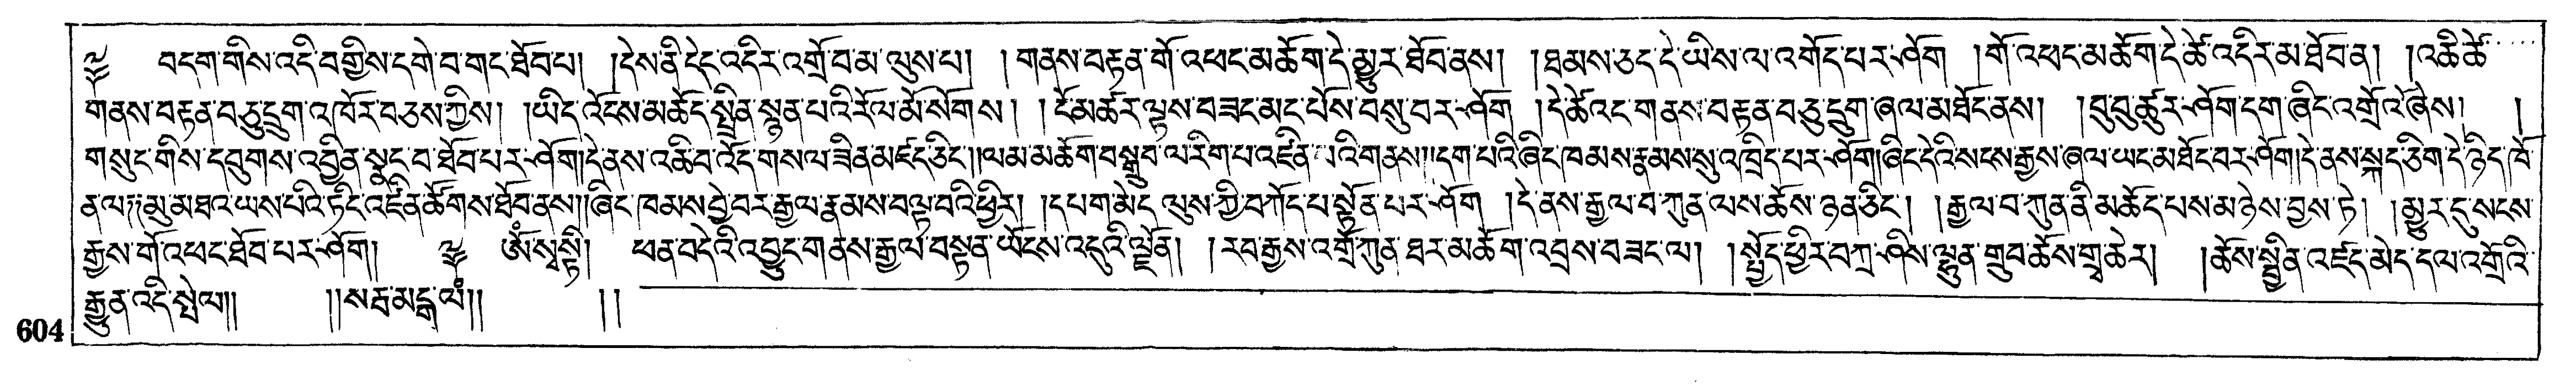༈ བདག་གིས་འདི་བགྱིས་དགེ་བ་གང་ཐོབ་པ། །དེས་ནི་དེང་འདིར་འགྲོ་བ་མ་ལུས་པ། །གནས་བརྟན་གོ་འཕང་མཆོག་དེ་མྱུར་ཐོབ་ནས། །ཐམས་ཅད་དེ་ཡིས་ལ་འགོད་པར་ཤོག །གོ་འཕང་མཆོག་དེ་ཚེ་འདིར་མ་ཐོབ་ན། །འཆི་ཚེ་
གནས་བརྟན་བཅུ་དྲུག་འཁོར་བཅས་ཀྱིས། །ཡིད་འོངས་མཆོད་སྤྲིན་སྙན་པའི་རོལ་མོ་སོགས། །ངོ་མཚར་ལྟས་བཟང་མང་པོས་བསུ་བར་ཤོག །དེ་ཚེའང་གནས་བརྟན་བཅུ་དྲུག་ཞལ་མཐོང་ནས། །བུ་བུ་ཚུར་ཤོག་དག་ཞིང་འགྲོའི་ཞེས། །
གསུང་གིས་དབུགས་འབྱིན་སྣང་བ་ཐོབ་པར་ཤོག །དེ་ནས་འཆི་བ་འོད་གསལ་ཟིན་མཛད་ཅིང་། །ལམ་མཆོག་བསྒྲུབ་ལ་རིག་བ་འཛིན་པའི་གནས། །དག་པའི་ཞིང་ཁམས་རྣམས་སུ་འཁྲིད་པར་ཤོག། །ཞིང་དེའི་སངས་རྒྱས་ཞལ་ཡང་མཐོང་བར་ཤོག །དེ་ནས་སྐད་ཅིག་དེ་ཉིད་ཁོ་
ནལ༑ ༑མུ་མཐའ་ཡས་པའི་ཏིང་འཛིན་ཚོགས་ཐོབ་ནས། །ཞིང་ཁམས་བྱེ་བར་རྒྱལ་རྣམས་བལྟ་བའི་ཕྱིར། །དཔག་མེད་ལུས་ཀྱི་བཀོད་པ་སྟོན་པར་ཤོག །དེ་ནས་རྒྱལ་བ་ཀུན་ལས་ཆོས་ཉན་ཅིང་། །རྒྱལ་བ་ཀུན་ནི་མཆོད་པས་མཉེས་བྱས་ཏེ། །མྱུར་དུ་སངས་
རྒྱས་གོ་འཕང་ཐོབ་པར་ཤོག། ༈ ཨོཾ་སྭ་སྟི། ཕན་བདེའི་འབྱུང་གནས་རྒྱལ་བསྟན་ཡོངས་འདུའི་ལྗོན། །རབ་རྒྱས་འགྲོ་ཀུན་ཐར་མཆོག་འབྲས་བཟང་ལ། །སྤྱོད་ཕྱིར་བཀྲ་ཤིས་ལྷུན་གྲུབ་ཆོས་གྲྭ་ཆེར། །ཆོས་སྦྱིན་འཛད་མེད་དལ་འགྲོའི་
རྒྱུན་འདི་སྤེལ།། །།སརྦ་མངྒ་ལཾ།། །།